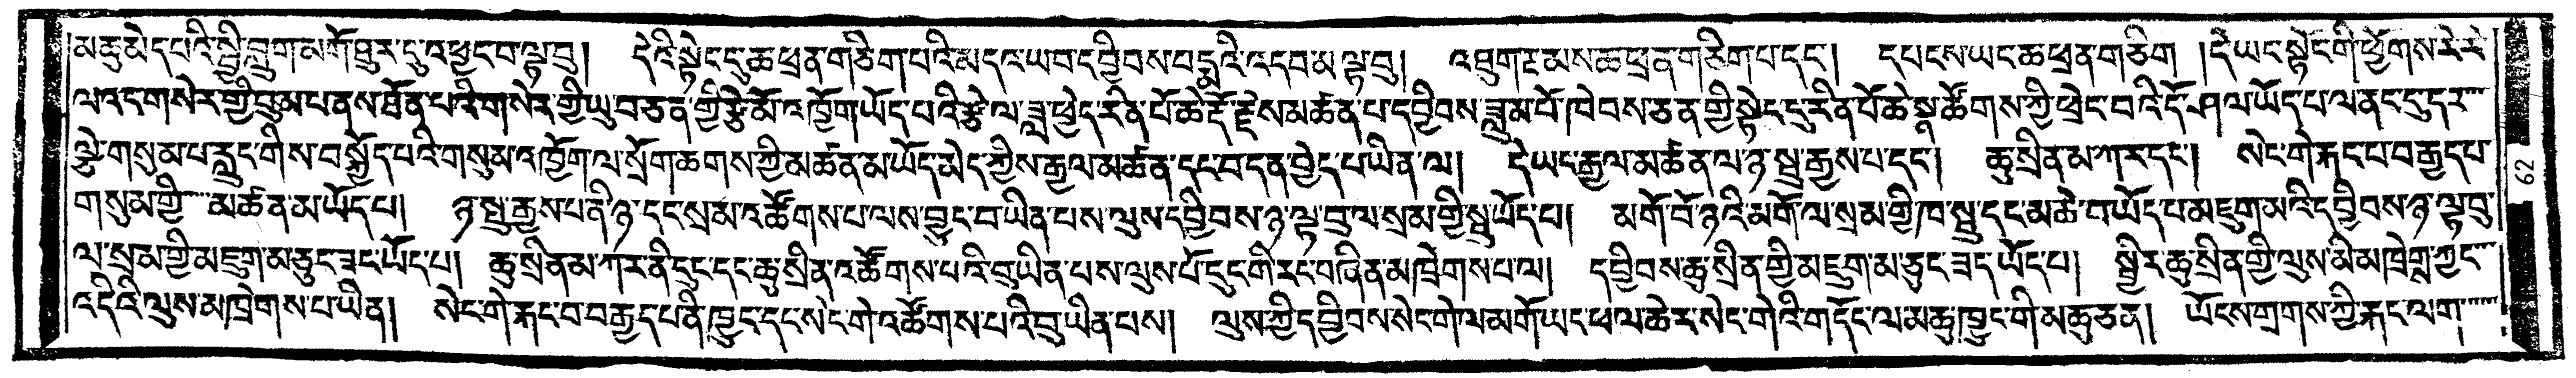མཆུ་མེད་པའི་སྤྱི་བླུག་མགོ་ཐུར་དུ་འཕྱང་བ་ལྟ་བུ། དེའི་སྟེང་དུ་ཆ་ཕྲན་གཅིག་པའི་མདའ་ཡབ་དབྱིབས་པདམའི་འདབ་མ་ལྟ་བུ། འཐུག་རྔམས་ཆ་ཕྲན་གཅིག་པ་དང་། དཔངས་ཡང་ཆ་ཕྲན་གཅིག །དེ་ཡང་སྟོང་གི་ཕྱོགས་རེ་རེ་
ལའང་གསེར་གྱི་བུམ་པ་ནས་ཐོན་པའི་གསེར་གྱི་ཡུབ་ཅན་གྱི་རྩེ་མོ་འཁྱོག་ཡོད་པའི་རྩེ་ལ་ཟླ་ཕྱེད་རིན་པོ་ཆེ་རྡོ་རྗེས་མཚན་པ་དབྱིབས་ཟླུམ་པོ་ཁེབས་ཅན་གྱི་སྟེང་དུ་རིན་པོ་ཆེ་སྣ་ཚོགས་ཀྱི་ཕྲེང་བའི་དོ་ཤལ་ཡོད་པ་ལ་ནང་དུ་དར་
ལྕེ་གསུམ་པ་རླུང་གིས་བསྐྱོད་པའི་གསུམ་འཁྱོག་ལ་སྲོག་ཆགས་ཀྱི་མཚན་མ་ཡོད་མེད་ཀྱིས་རྒྱལ་མཚན་དང་བ་དན་བྱེད་པ་ཡིན་ལ། དེ་ཡང་རྒྱལ་མཚན་ལ་ཉ་སྤུ་རྒྱས་པ་དང་། ཆུ་སྲིན་མ་ཀ་ར་དང་། སེང་གེ་རྐང་པ་བརྒྱད་པ་
གསུམ་གྱི་མཚན་མ་ཡོད་པ། ཉ་སྤུ་རྒྱས་པ་ནི་ཉ་དང་སྲམ་འཚོགས་པ་ལས་བྱུང་བ་ཡིན་པས་ལུས་དབྱིབས་ཉ་ལྟ་བུ་ལ་སྲམ་གྱི་སྤུ་ཡོད་པ། མགོ་བོ་ཉའི་མགོའི་ལ་སྲམ་གྱི་ཁ་སྤུ་དང་མཆེ་བ་ཡོད་པ་མཇུག་མའི་དབྱིབས་ཉ་ལྟ་བུ་
ལ་སྲམ་གྱི་མཇུག་མ་ཅུང་ཟད་ཡོད་པ། ཆུ་སྲིན་མ་ཀར་ནི་དུང་དང་ཆུ་སྲིན་འཚོགས་པའི་བུ་ཡིན་པས་ལུས་པོ་དུང་གི་རང་བཞིན་མཁྲེགས་པ་ལ། དབྱིབས་ཆུ་སྲིན་གྱི་མཇུག་མ་ཅུང་ཟད་ཡོད་པ། སྤྱིར་ཆུ་སྲིན་གྱི་ལུས་མི་མཁྲེགས་ཀྱང་
འདིའི་ལུས་མཁྲེགས་པ་ཡིན། སེང་གེ་རྐང་བ་བརྒྱད་པ་ནི་ཁྱུང་དང་སེང་གེ་འཚོགས་པའི་བུ་ཡིན་པས། ལུས་ཀྱི་དབྱིབས་སེང་གེ་ལ་མགོ་ཡང་ཕལ་ཆེར་སེང་གེའི་གདོང་ལམ་ཆུ་ཁྱུང་གི་མཆུ་ཅན། ཡོངས་གྲགས་ཀྱི་རྐང་ལག་